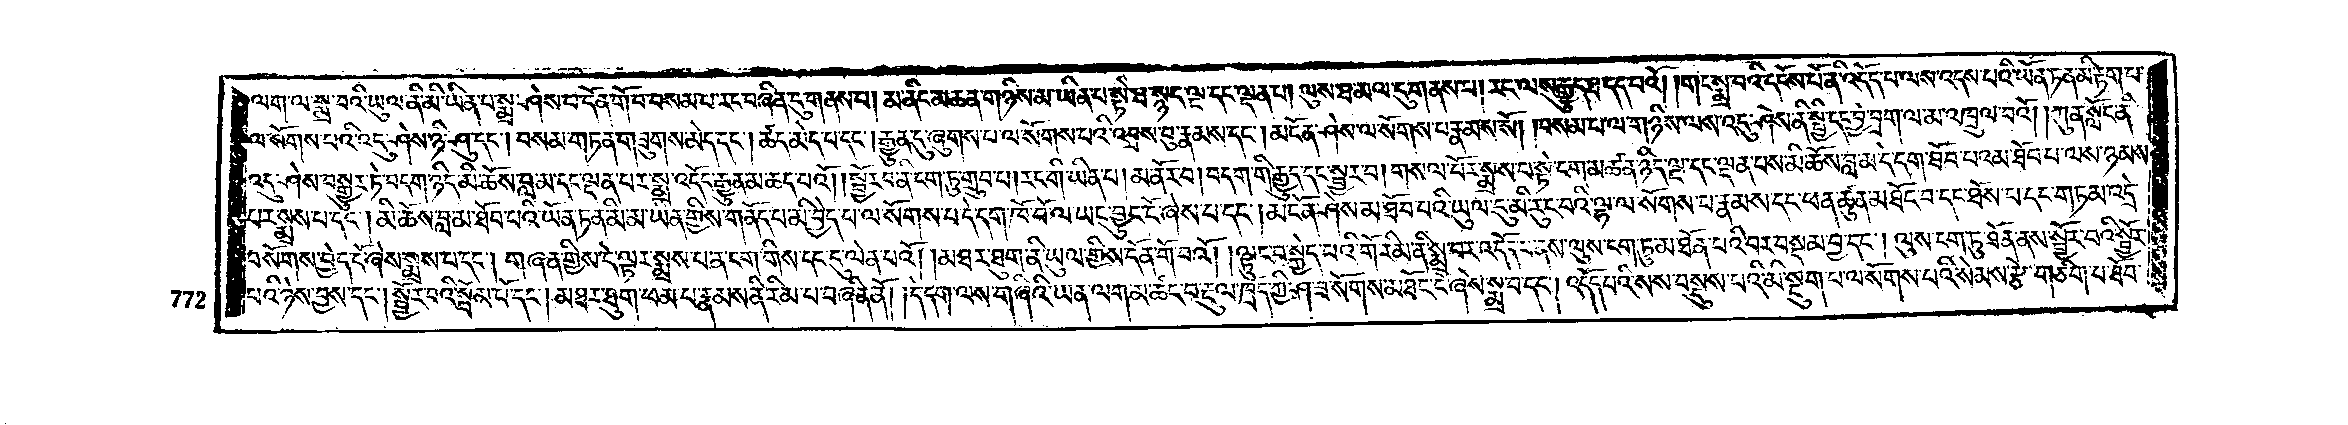ལག་ལ་སྨྲ་བའི་ཡུལ་ནི་མི་ཡིན་པ་སྨྲ་ཤེས་པ་དོན་གོ་བ་བསམ་པ་རང་བཞིན་དུ་གནས་པ། མ་ནིང་མཆན་གཉིས་མ་ཡིན་པ་སྟེ་ཐ་སྙད་ལྔ་དང་ལྡན་པ། ལུས་ཐ་མལ་དུ་གནས་པ། རང་ལས་རྒྱུད་ཐ་དད་པའོ། །གང་སྨྲ་བའི་དངོས་པོ་ནི་འདོད་པ་ལས་འདས་པའི་ཡོན་ཏན་མི་རྟག་པ་
ལ་སོགས་པའི་འདུ་ཤེས་ཉི་ཤུ་དང་། བསམ་གཏན་གཟུགས་མེད་དང་། ཚད་མེད་པ་དང་། རྒྱུན་དུ་ཞུགས་པ་ལ་སོགས་པའི་འབྲས་བུ་རྣམས་དང་། མངོན་ཤེས་ལ་སོགས་པ་རྣམས་སོ། །བསམ་པ་ལ་གཉིས་ལས་འདུ་ཤེས་ནི་སྤྱི་དང་བྱེ་བྲག་ལ་མ་འཁྲུལ་བའོ། །ཀུན་སློང་ནི་
འདུ་ཤེས་བསྒྱུར་ཏེ་བདག་ཉིད་མི་ཆོས་བླ་མ་དང་ལྡན་པར་སྨྲ་འདོད་རྒྱུན་མ་ཆད་པའོ། །སྦྱོར་བ་ནི་ངག་ཏུ་གྲུབ་པ། རང་གི་ཡིན་པ། མ་ནོར་བ། བདག་གི་རྒྱུད་དང་སྦྱར་བ། གསལ་པོར་སྨྲས་པ་སྟེ་ངག་མཚན་ཉིད་ལྔ་དང་ལྡན་པས་མི་ཆོས་བླ་མ་དེ་དག་ཐོབ་པའམ་ཐོབ་པ་ལས་ཉམས་
པར་སྨྲས་པ་དང་། མི་ཆོས་བླ་མ་ཐོབ་པའི་ཡོན་ཏན་མི་མ་ཡིན་གྱིས་གནོད་པ་མི་བྱེད་པ་ལ་སོགས་པ་དེ་དག་ཁོ་བོ་ལ་ཡང་བྱུང་ངོ་ཞེས་པ་དང་། མངོན་ཤེས་མ་ཐོབ་པའི་ཡུལ་དུ་མི་རུང་བའི་ལྷ་ལ་སོགས་པ་རྣམས་དང་ཕན་ཚུན་མཐོང་བ་དང་ཐོས་པ་དང་གཏམ་འདྲེ་
བ་སོགས་བྱེད་ངོ་ཞེས་སྨྲས་པ་དང་། གཞན་གྱིས་དེ་ལྟར་སྨྲས་པ་ན་ངག་གིས་དང་དུ་ལེན་པའོ། །མཐར་ཐུག་ནི་ཡུལ་གྱིས་དོན་གོ་བའོ། །ལྟུང་བ་སྐྱེད་པའི་གོ་རིམ་ནི་སྨྲ་བར་འདོད་པ་ནས་ལུས་ངག་ཏུ་མ་ཐོན་པའི་བར་བསྡམ་བྱ་དང་། ལུས་ངག་ཏུ་ཐོན་ནས་སྦྱོར་བའི་སྦྱོར་
པའི་ཉེས་བྱས་དང་། སྦྱོར་བའི་སྦོམ་པོ་དང་། མཐར་ཐུག་ཕམ་པ་རྣམས་ནི་རིམ་པ་བཞིན་ནོ། །དེ་དག་ལས་གཞིའི་ཡན་ལག་མ་ཚང་བ་རྡུལ་ཁྲོད་ཀྱི་ཤ་ཟ་སོགས་མཐོང་ངོ་ཞེས་སྨྲ་བ་དང་། འདོད་པའི་སས་བསྡུས་པའི་མི་སྡུག་པ་ལ་སོགས་པའི་སེམས་རྩེ་གཅིག་པ་ཐོབ་